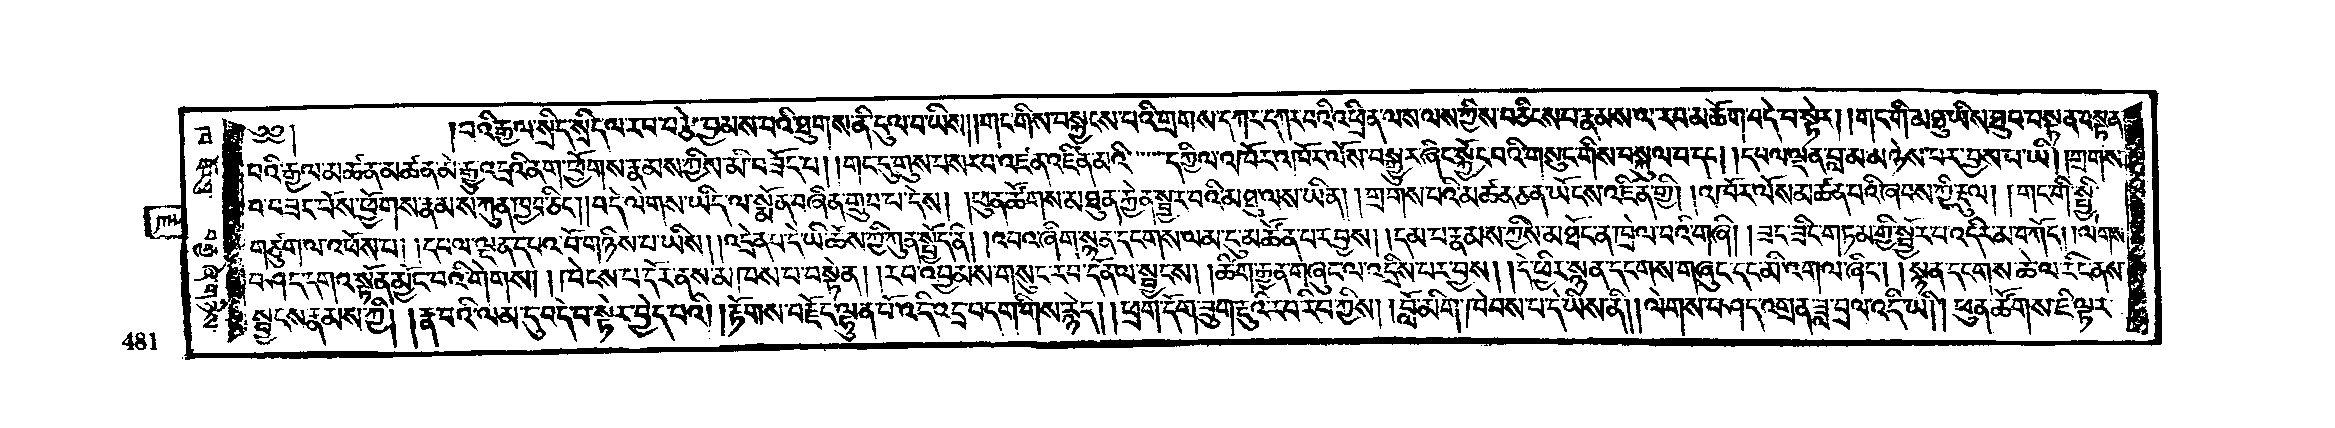༄༅། །པའི་རྒྱལ་སྲིད་སྲིད་ལ་རབ་བརྩེ་བྱམས་པའི་ཐུགས་ནི་དུལ་བ་ཡིས། །གང་གིས་བསྐྱངས་པའི་གྲགས་དཀར་དཀར་བའི་འཕྲིན་ལས་ལས་ཀྱིས་བཅིངས་པ་རྣམས་ལ་རབ་མཆོག་བདེ་བ་སྟེར། །གང་གི་མཐུ་ཡིས་ཐུབ་བསྟན་བསྟན་
པའི་རྒྱལ་མཚན་མཚན་མེ་རྒྱུ་འདྲའི་ནག་ཕྱོགས་རྣམས་ཀྱིས་མི་བཟོད་པ། །གང་དུ་གུས་པས་རབ་འཛན?་འཛིན་མའི་དཀྱིལ་འཁོར་འཁོར་ལོས་བསྒྱུར་ཞིང་སྐྱོང་བའི་གསུང་གིས་བསྐུལ་བ་དང་། །དཔལ་ལྡན་བླ་མ་མཉེས་པར་བྱས་པ་ཡི། །གྲགས་
པ་བཟང་པོས་ཕྱོགས་རྣམས་ཀུན་ཁྱབ་ཅིང་། །བདེ་ལེགས་ཡིད་ལ་སྨོན་བཞིན་གྲུབ་པ་དེས། །ཕུན་ཚོགས་མཐུན་རྐྱེན་སྦྱར་བའི་མཐུ་ལས་ཡིན། །གྲགས་པའི་མཚན་ཅན་ཡོངས་འཛིན་གྱི། །འཁོར་ལོས་མཚན་པའི་ཞབས་ཀྱི་རྡུལ། །གང་གི་སྤྱི་
གཙུག་ལ་འཕོས་པ། །དཔལ་ལྡན་དཔའ་བོ་གཉིས་པ་ཡིས། །འདྲེན་པ་དེ་ཡི་ཆོས་ཀྱི་ཀུན་སྤྱོད་ནི། །འབའ་ཞིག་སྙན་དངགས་ལམ་དུ་མཚོན་པར་བྱས། །དམ་པ་རྣམས་ཀྱིས་མཐོང་ན་ཁྲེལ་བའི་གཞི། །ཟང་ཟིང་གཏམ་གྱི་སྦྱོར་བ་འདིར་མ་བཀོད། །ལེགས་
བཤད་དགའ་སྟོན་མྱོང་བའི་གེགས། །ཁེངས་པ་དོར་ནས་མཁས་པ་བསྟེན། །རབ་འབྱམས་གསུང་རབ་དོན་ལ་སྦྱངས། །ཚིག་རྒྱན་གཞུང་ལ་འདྲིས་པར་བྱས། །དེ་ཕྱིར་སྙན་དངགས་གཞུང་དང་མི་འགལ་ཞིང་། །སྙན་དངགས་ཆེ་ལ་རིང་ནས་
སྦྱངས་རྣམས་ཀྱི། །རྣ་བའི་ལམ་དུ་བདེ་བ་སྟེར་བྱེད་པའི། །རྟོགས་བརྗོད་ལྷུན་པོ་འདི་འདྲ་བདག་གིས་རྙེད། །ཕྲག་དོག་ཟུག་རྔུའི་རབ་རིབ་ཀྱིས། །བློ་མིག་ཁེབས་པ་དེ་ཡིས་ནི། །ལེགས་བཤད་འགྲན་ཟླ་བྲལ་འདི་ཡི། །ཕུན་ཚོགས་ཇི་ལྟར་